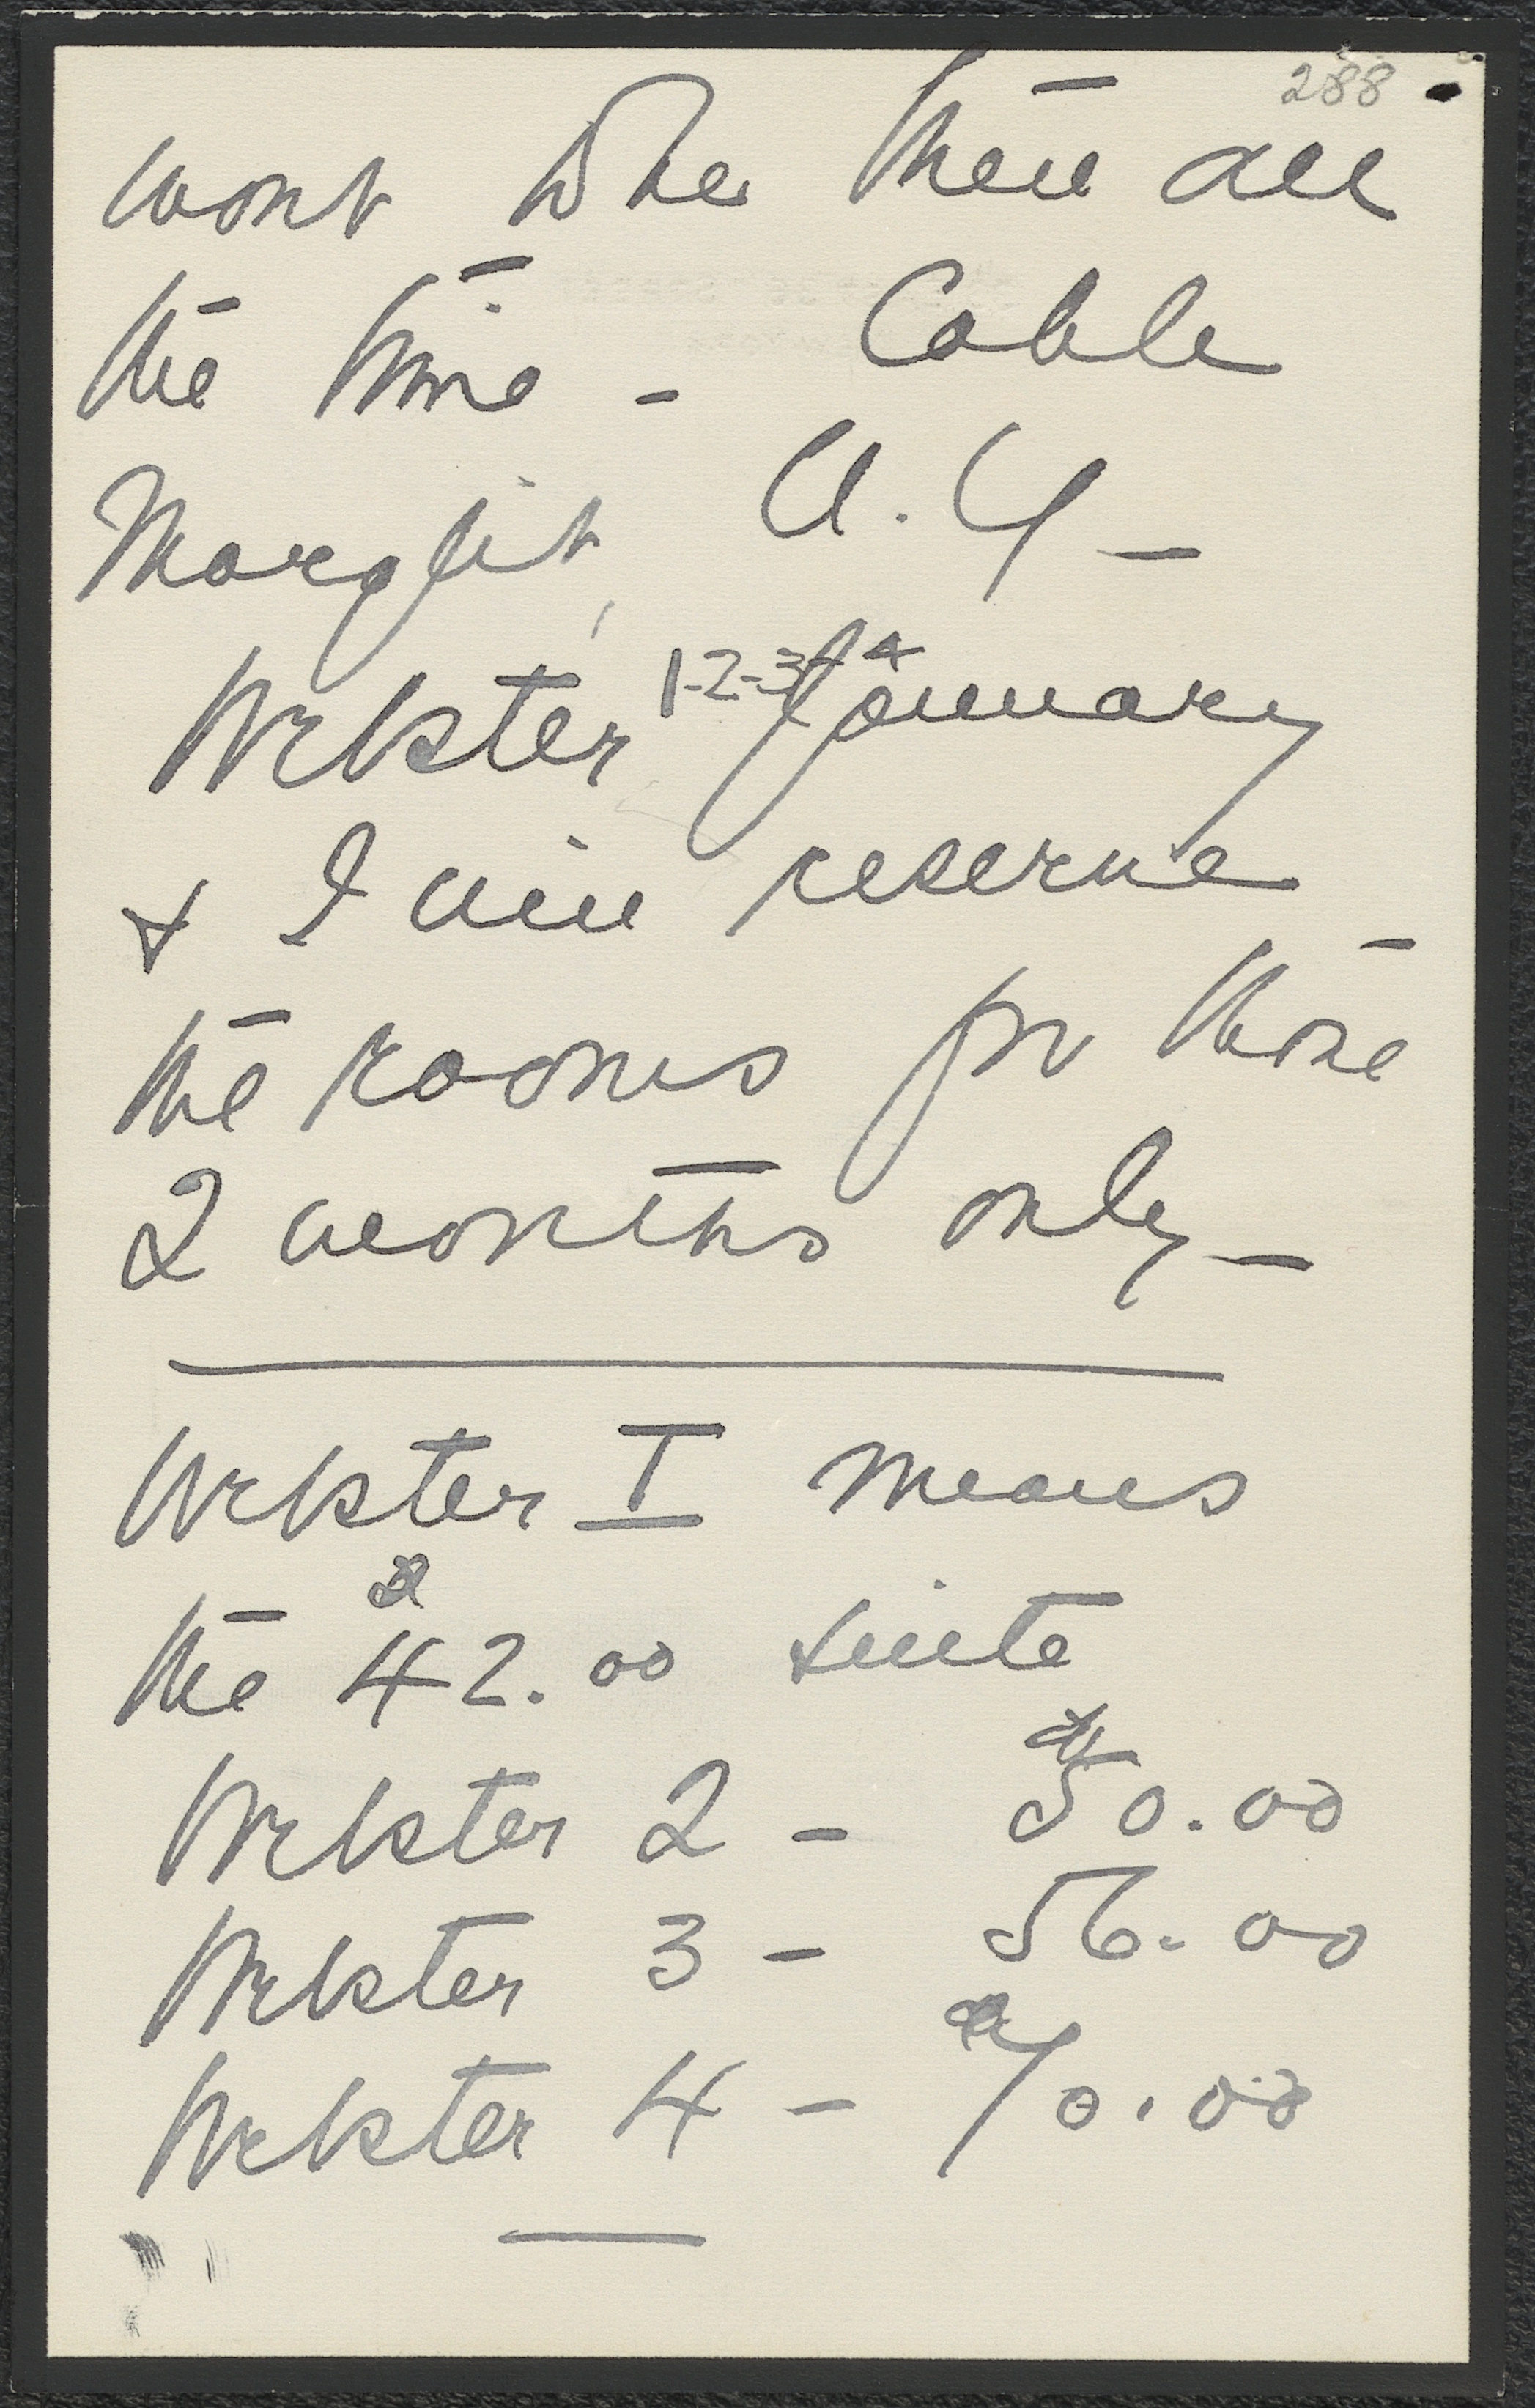want to be there all the time – Cable Morglib N.Y –
Webster [^1-2-3-4^] January & I will reserve the rooms for those 2 months only –
⸺
Webster 1 means the $42.00 suite
Webster 2 – $50.00
Webster 3 – 56.00
Webster 4 – $70.00
⸺